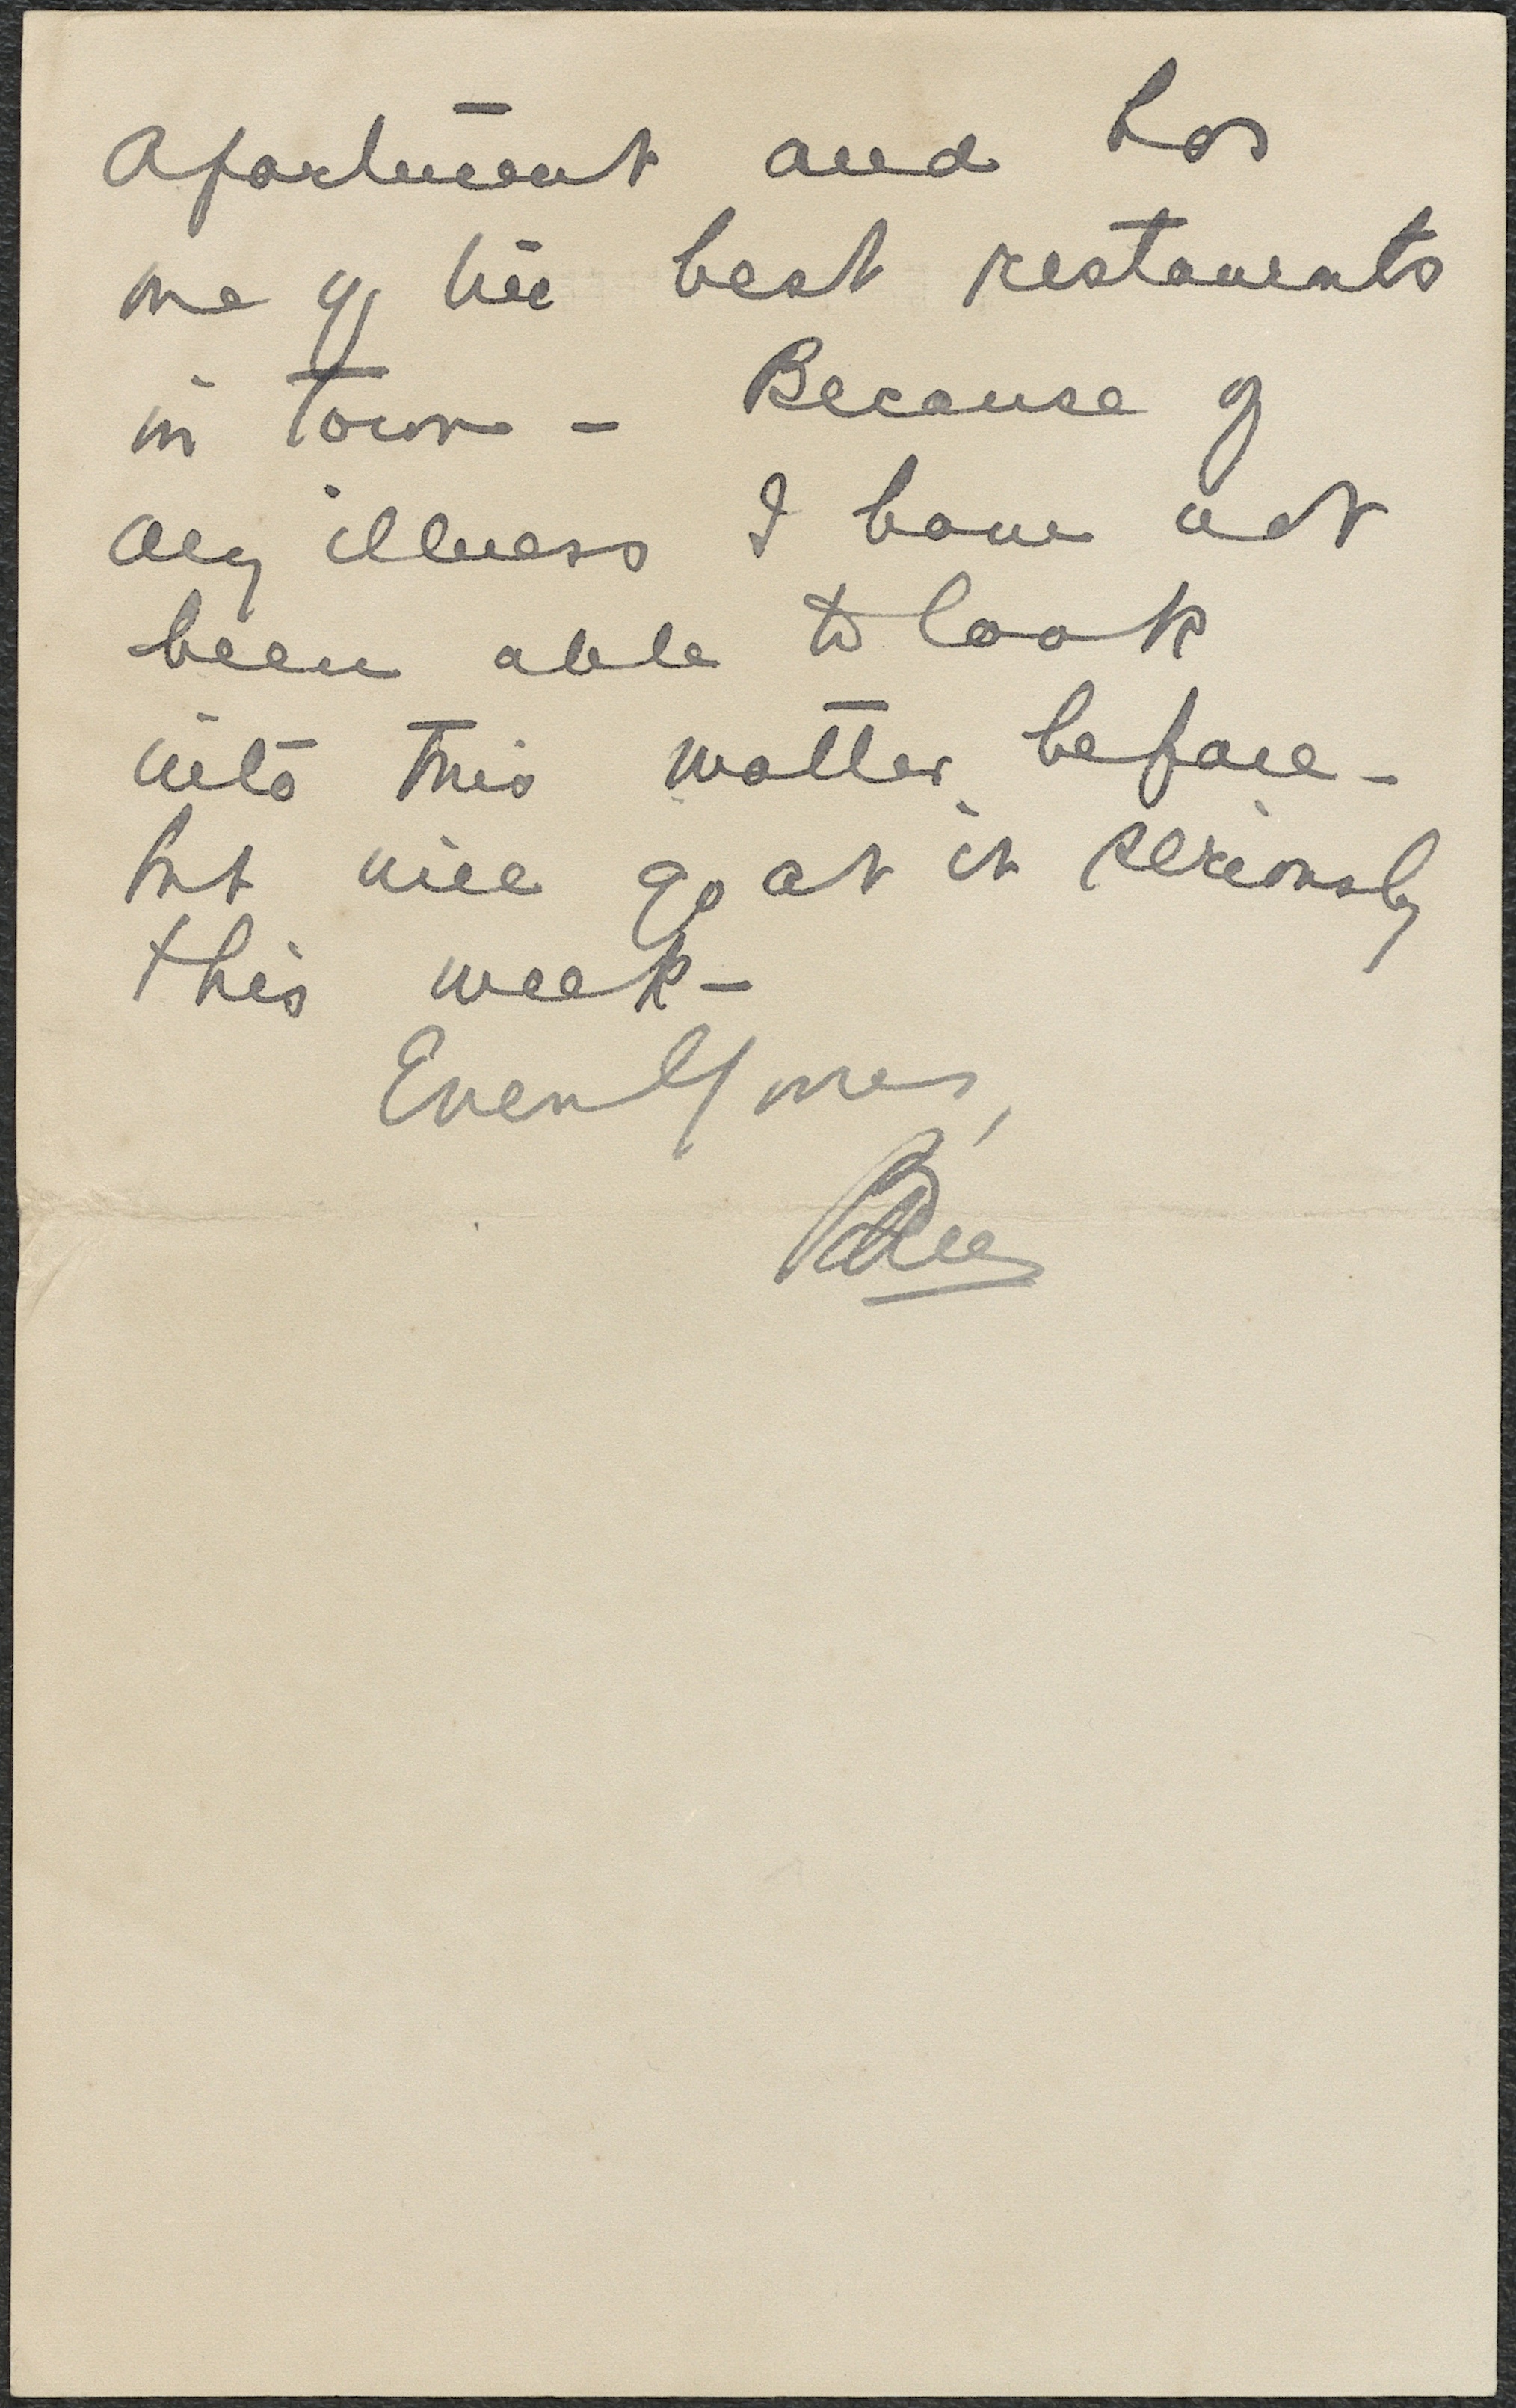[P. 2]
apartment and has one of the best restaurants in town – Because of my illness I have not been able to look into this matter before – but will go at it seriously this week–
Ever yours,
Belle